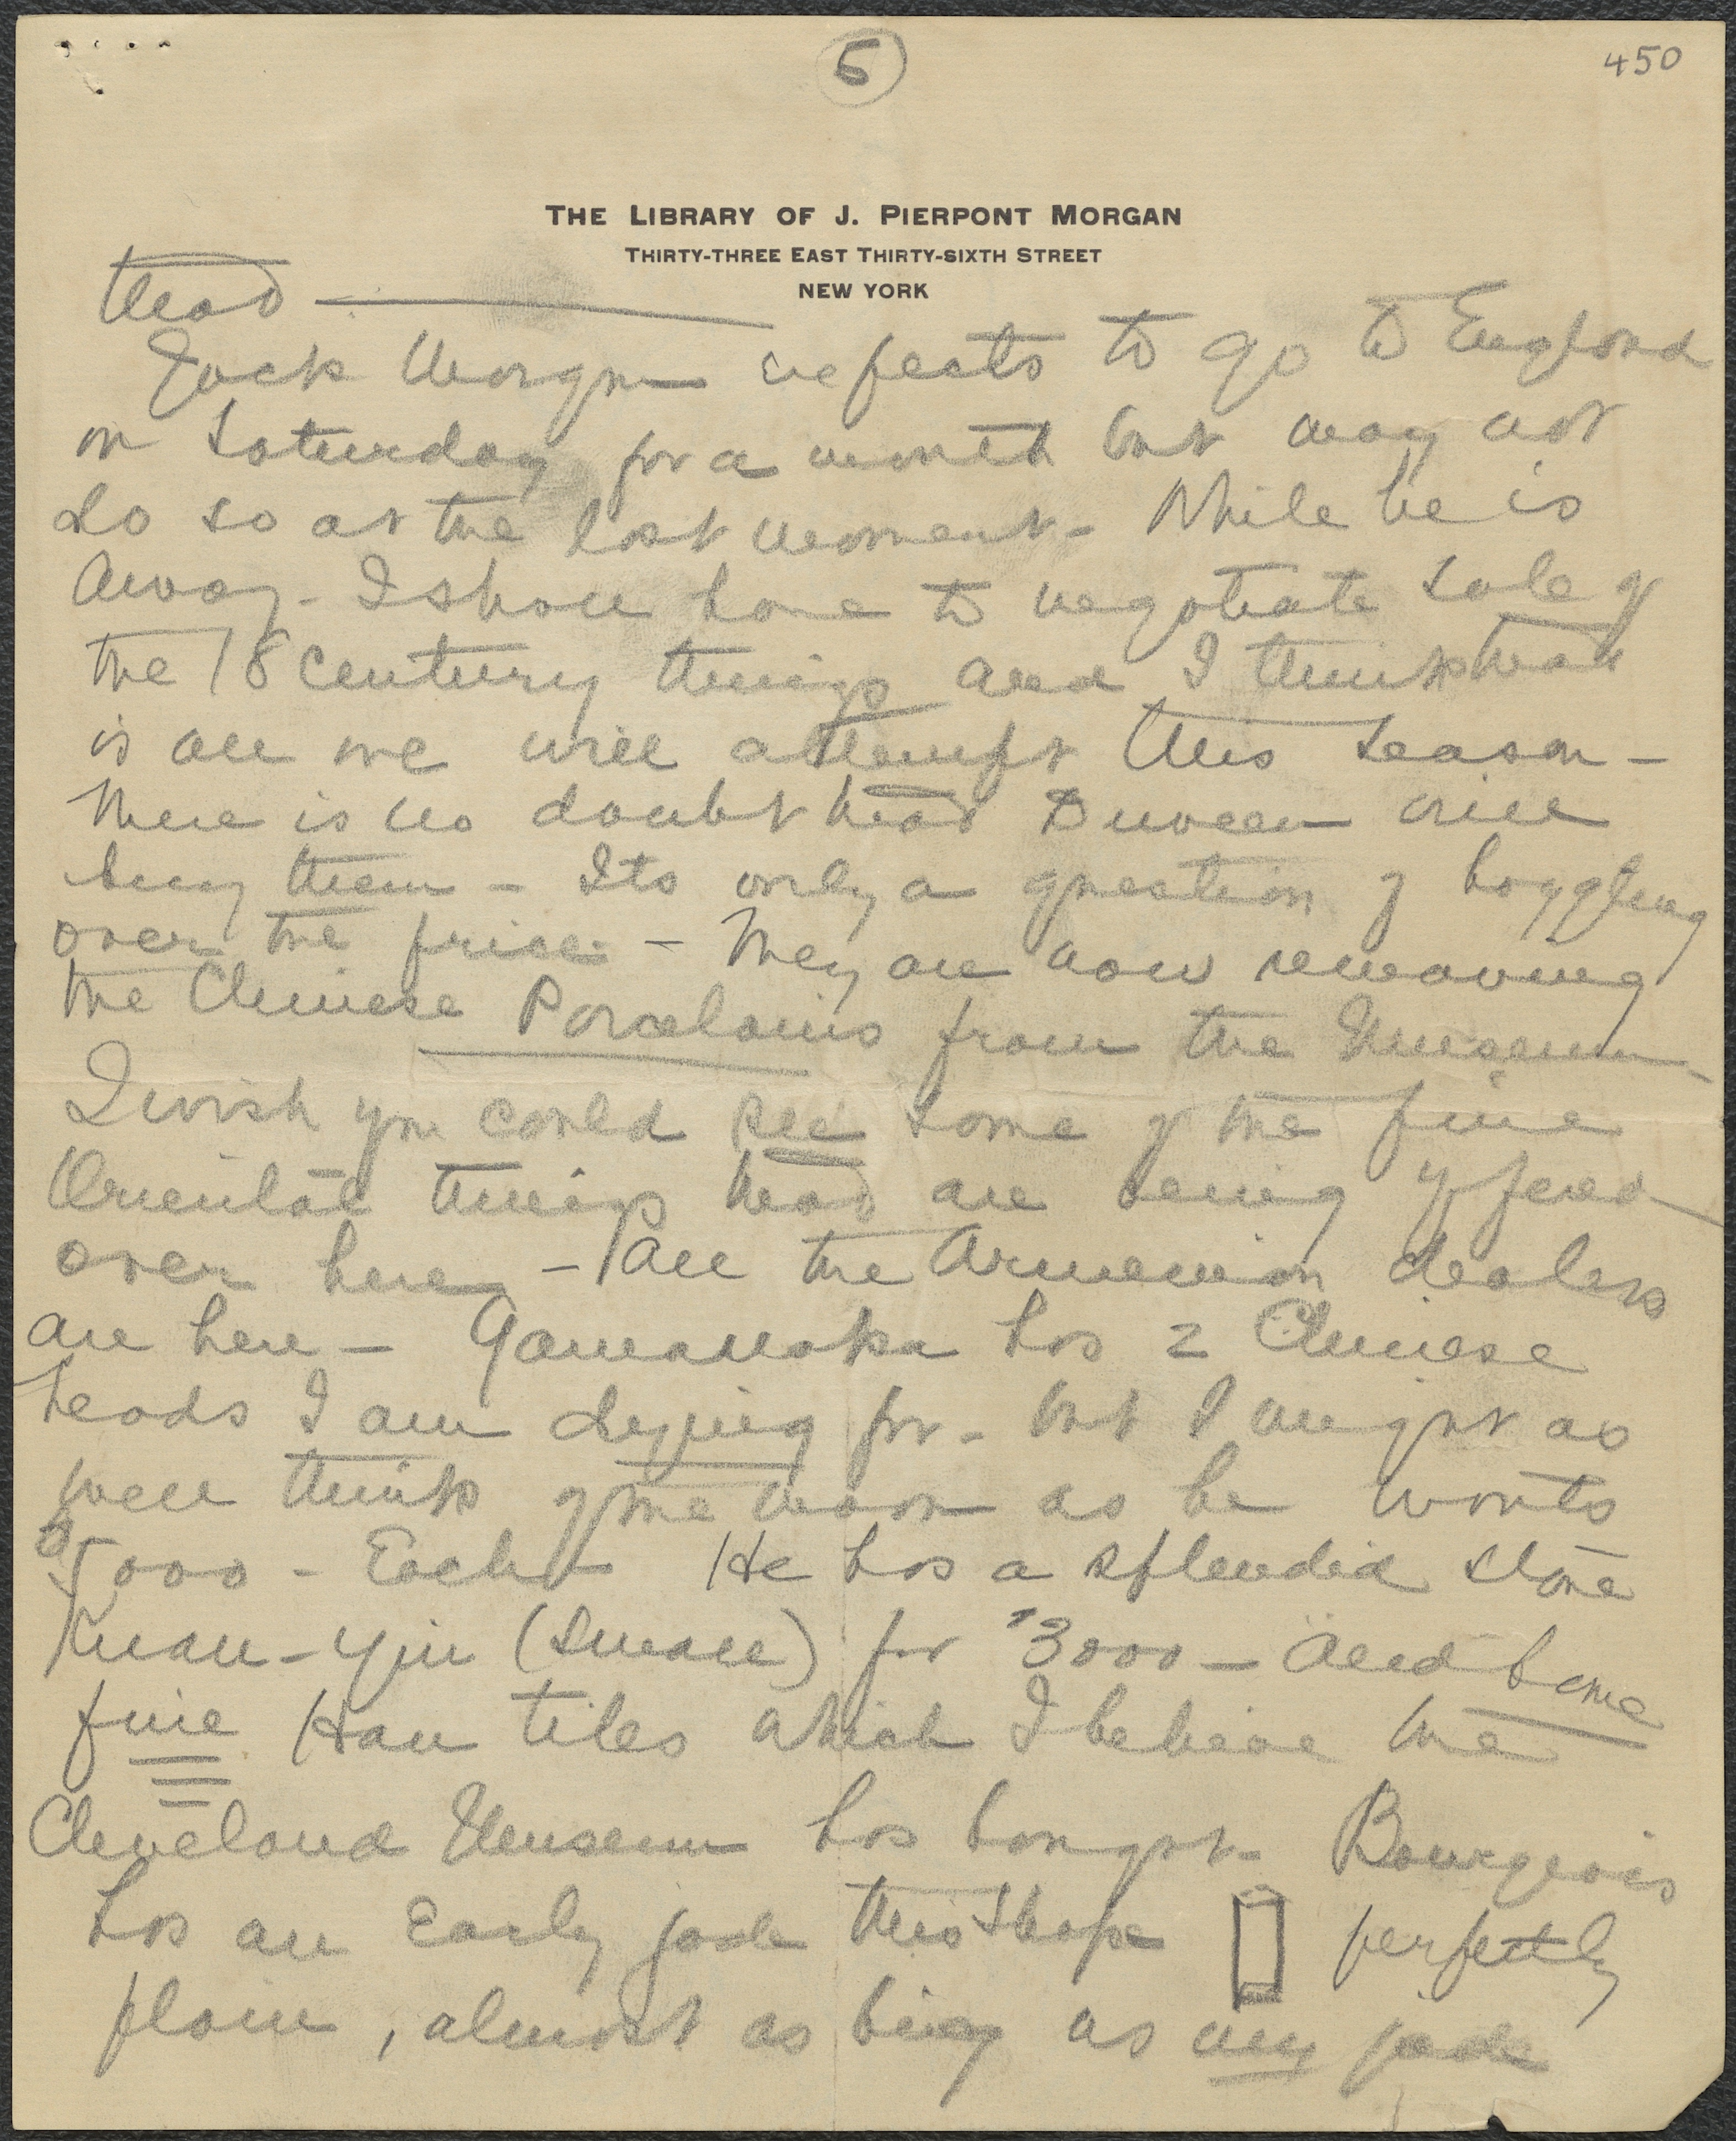that –
Jack Morgan expects to go to England on Saturday for a month but may not do so at the last moment – while he is away, I shall have to negotiate sale of the 18th century things and I think that is all we will attempt this season – there is no doubt that Duveen will buy them – Its [sic] only a question of haggling over the price – they are now removing the Chinese Porcelains from the museum –
I wish you could see some of the fine Oriental things that are being offered over here – all the Armenian dealers are here – Yamanaka has 2 Chinese heads I am dying for – but I might as well think of the moon as he wants $5000 – Each – He has a splendid stone Kuan-Yin (small) for $3000 – and some [triple underlined: fine] Han tiles which I believe the Cleveland Museum has bought – Bourgeois has an early jade this shape [sketch of a cylinder] perfectly plain, almost as big as my jade